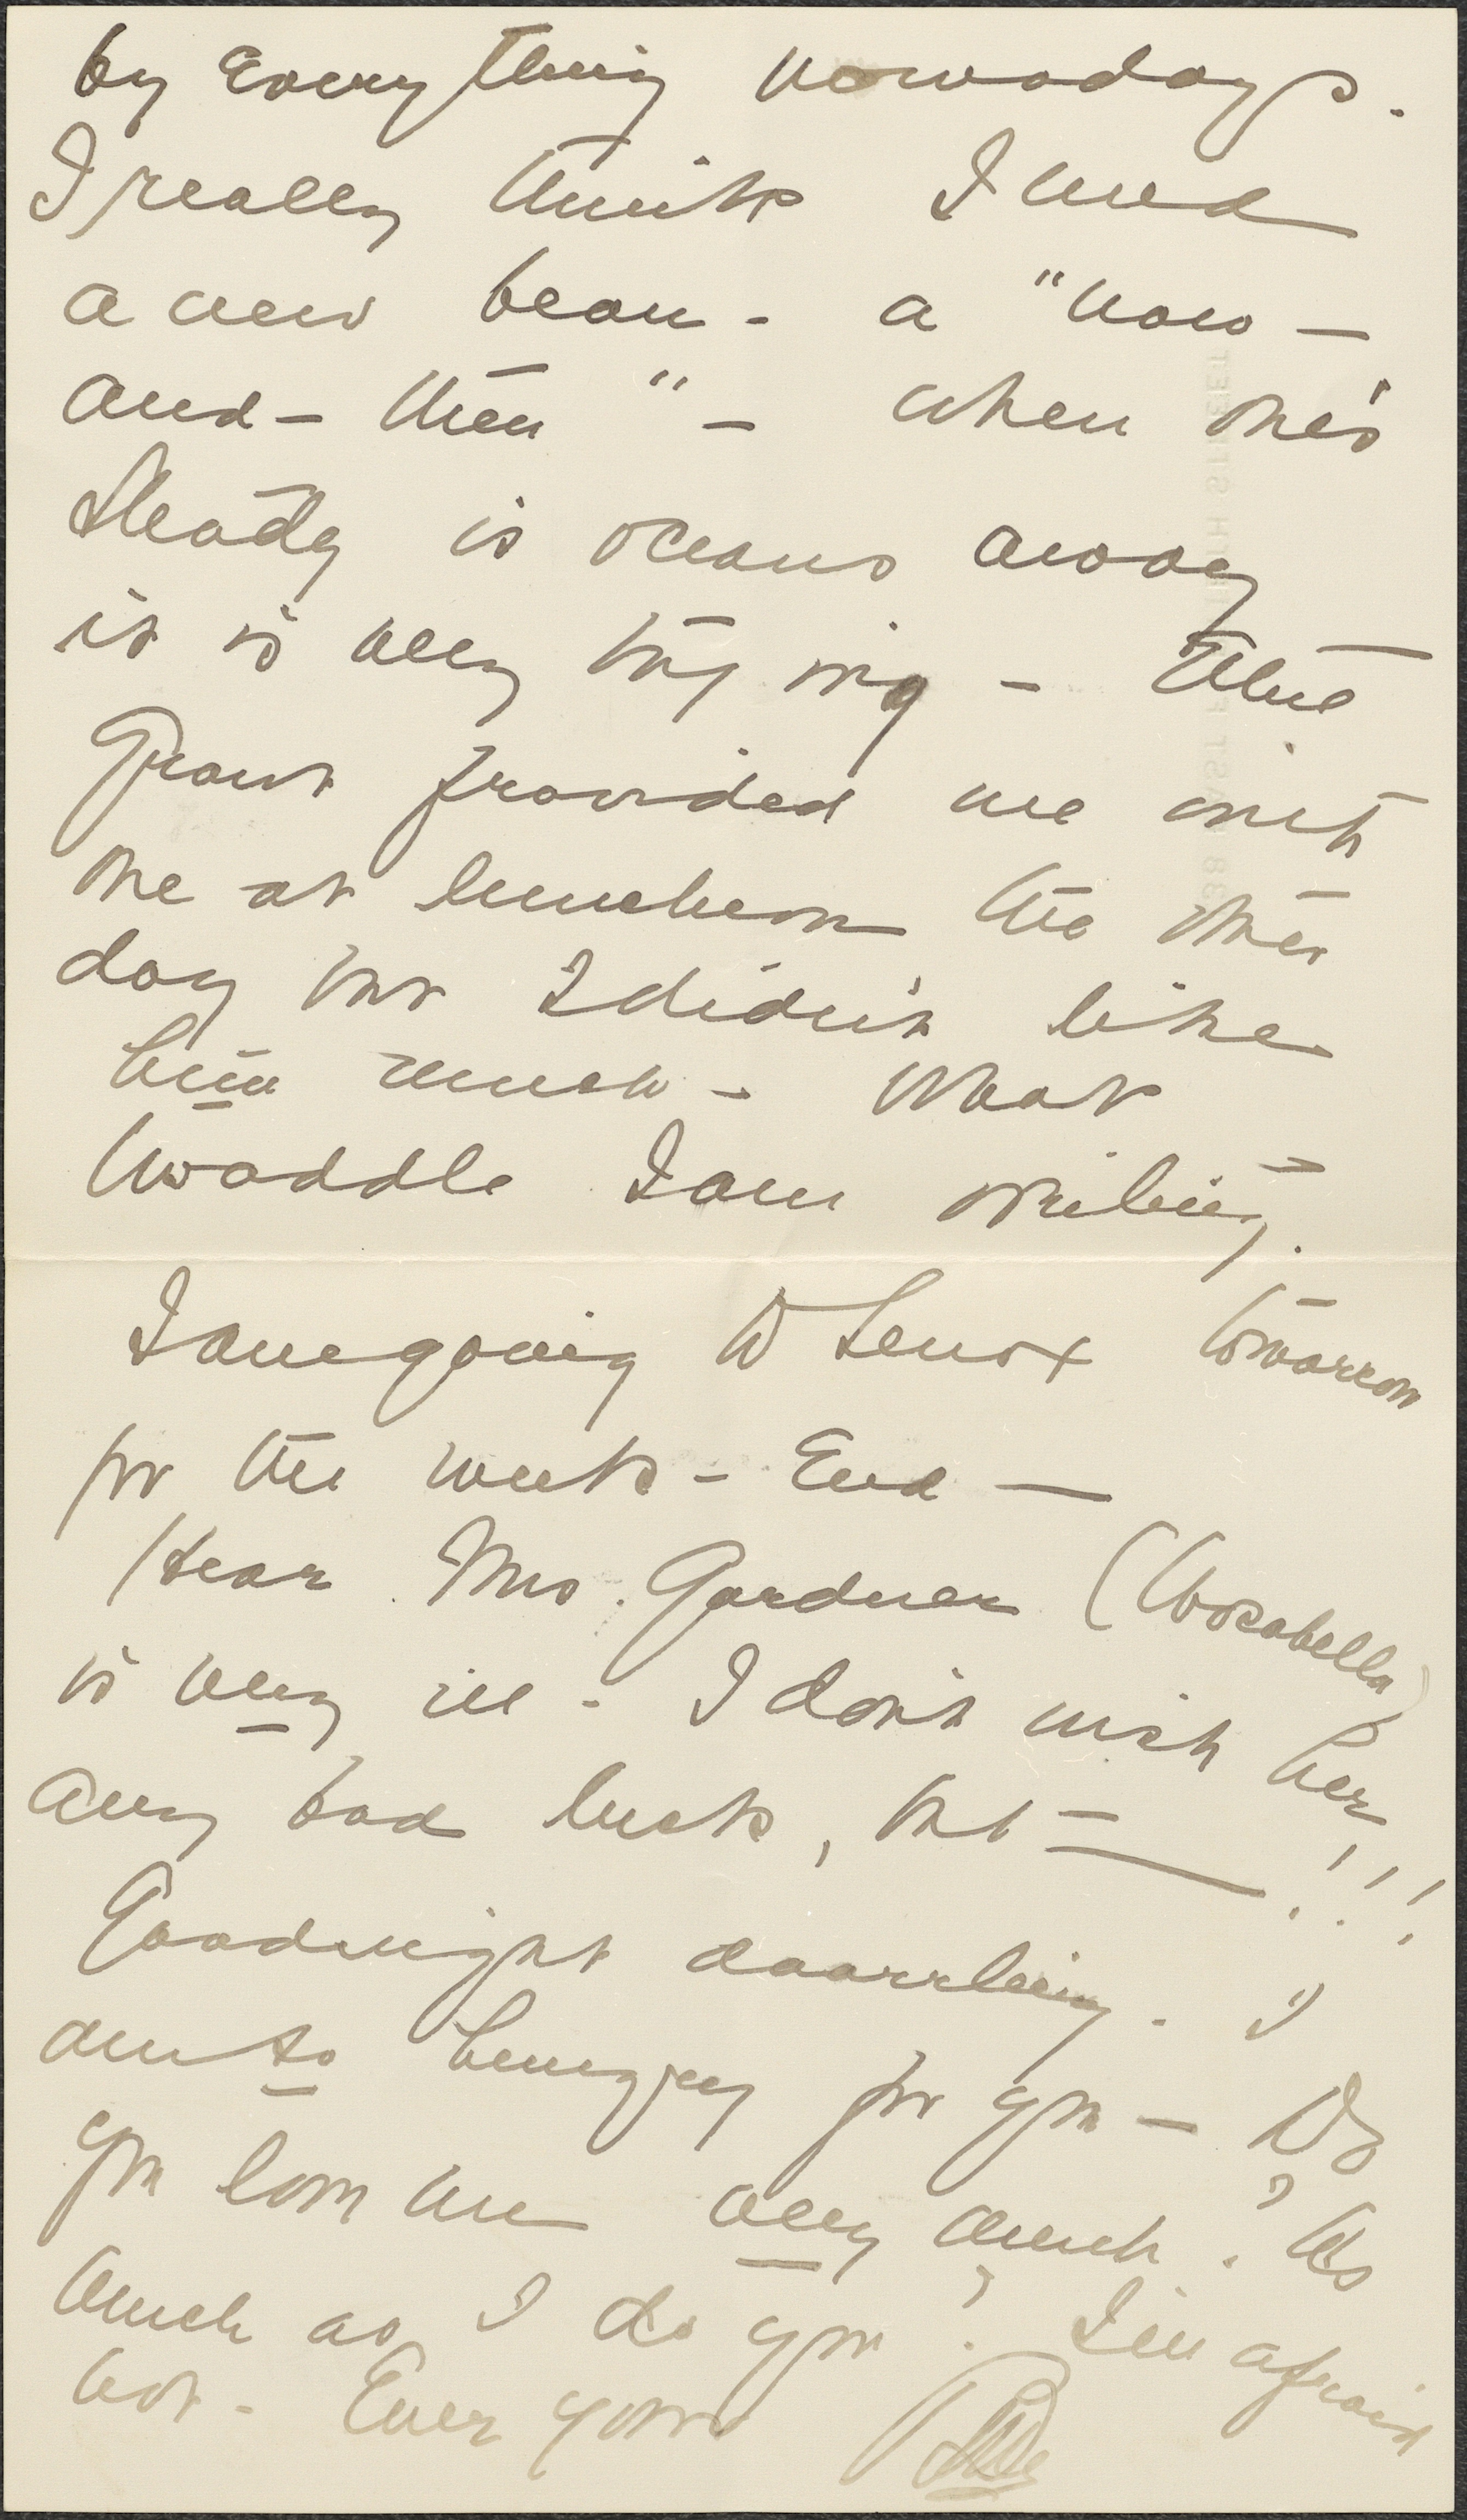by everything nowadays. I really think I need a new beau – a “now – and – then” – when one’s steady is oceans away it is very trying – Ethel Grant provided me with one at luncheon the other day but I didn’t like him much – what twaddle I am writing.
I am going to Lenox tomorrow for the week-end –
Hear Mrs. Gardner (Wasabella) is very ill – I don’t wish her any bad luck, but – !!!
Goodnight darling. I am so hungry for you – Do you love me very much? As much as I do you? I’m afraid not –
Every your Belle